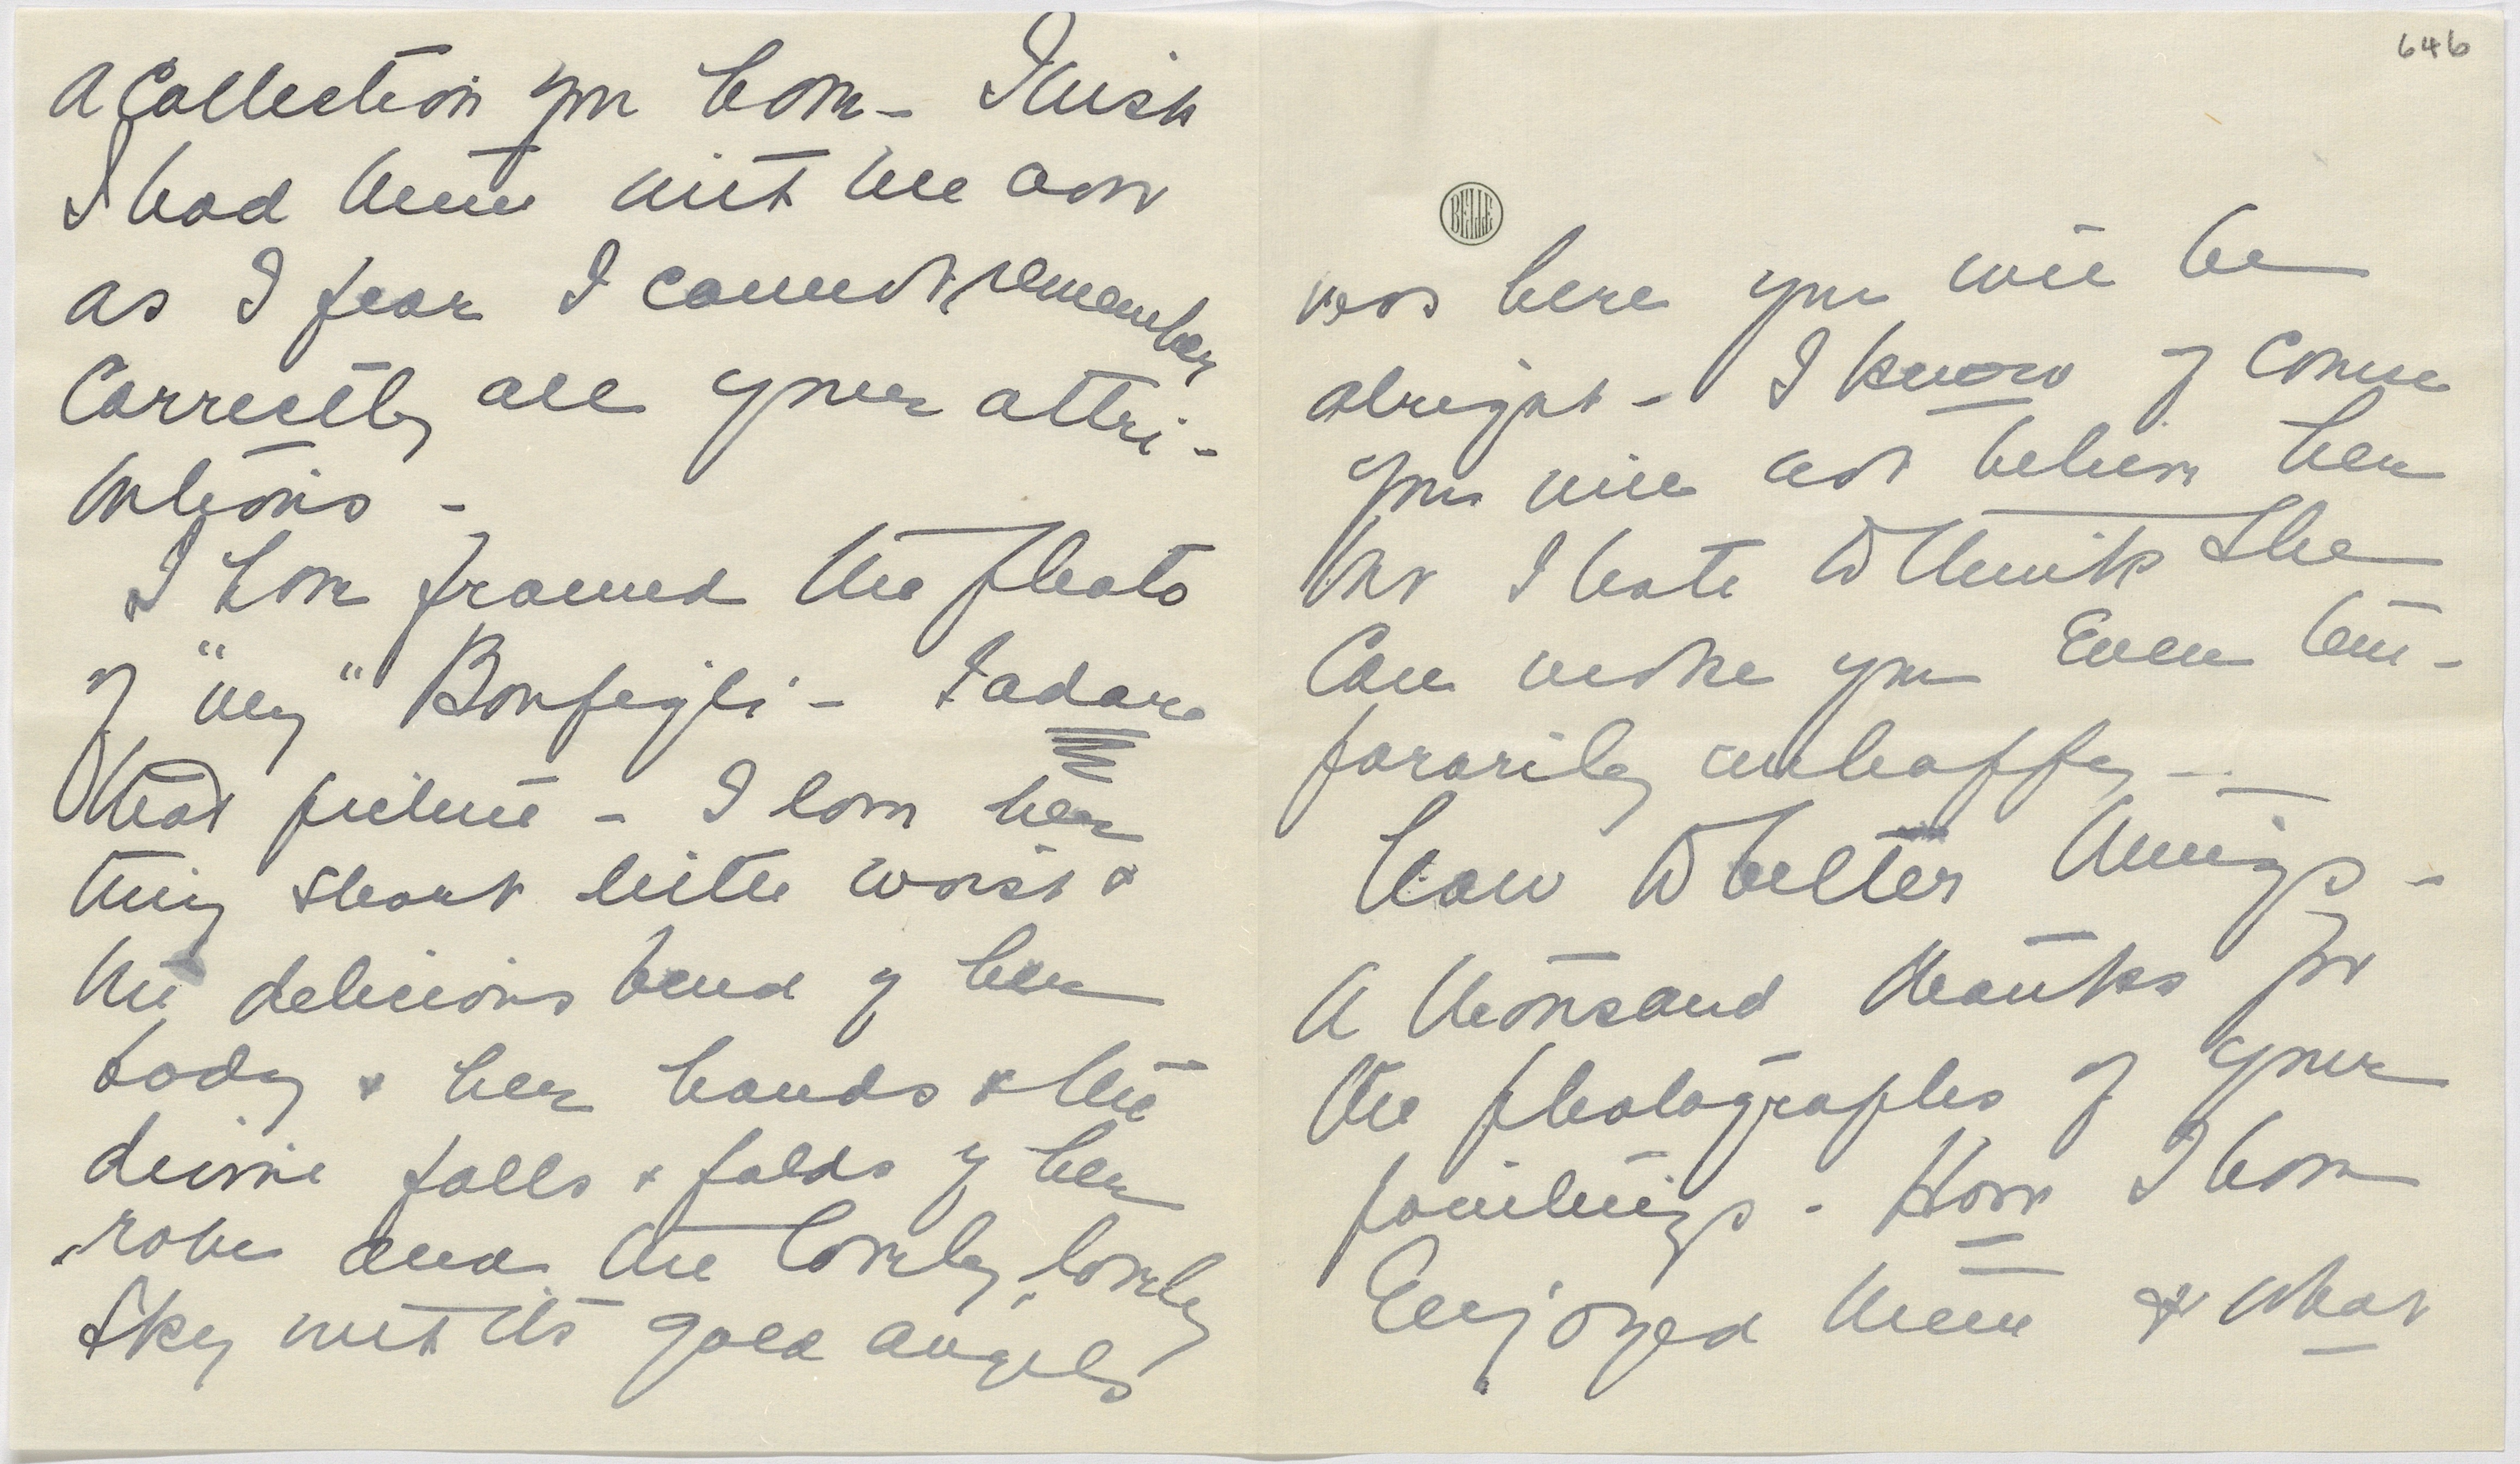was here you will be alright – I know of course you will not believe her but I hate to think she can make you even temporarily unhappy –
Now to better things – a thousand thanks for the photographs of your paintings. How I have Enjoyed them & what
a collection you have – I wish I had them with me now as I fear I cannot remember correctly all your attributions –
I have framed the photo of “my” Bonfigli – I [sextuple underlined: adore] that picture – I love her tiny short little waist & the delicious bend of her body & her hands & the divine falls & folds of her robe and the lovely, lovely sky with its gold angels